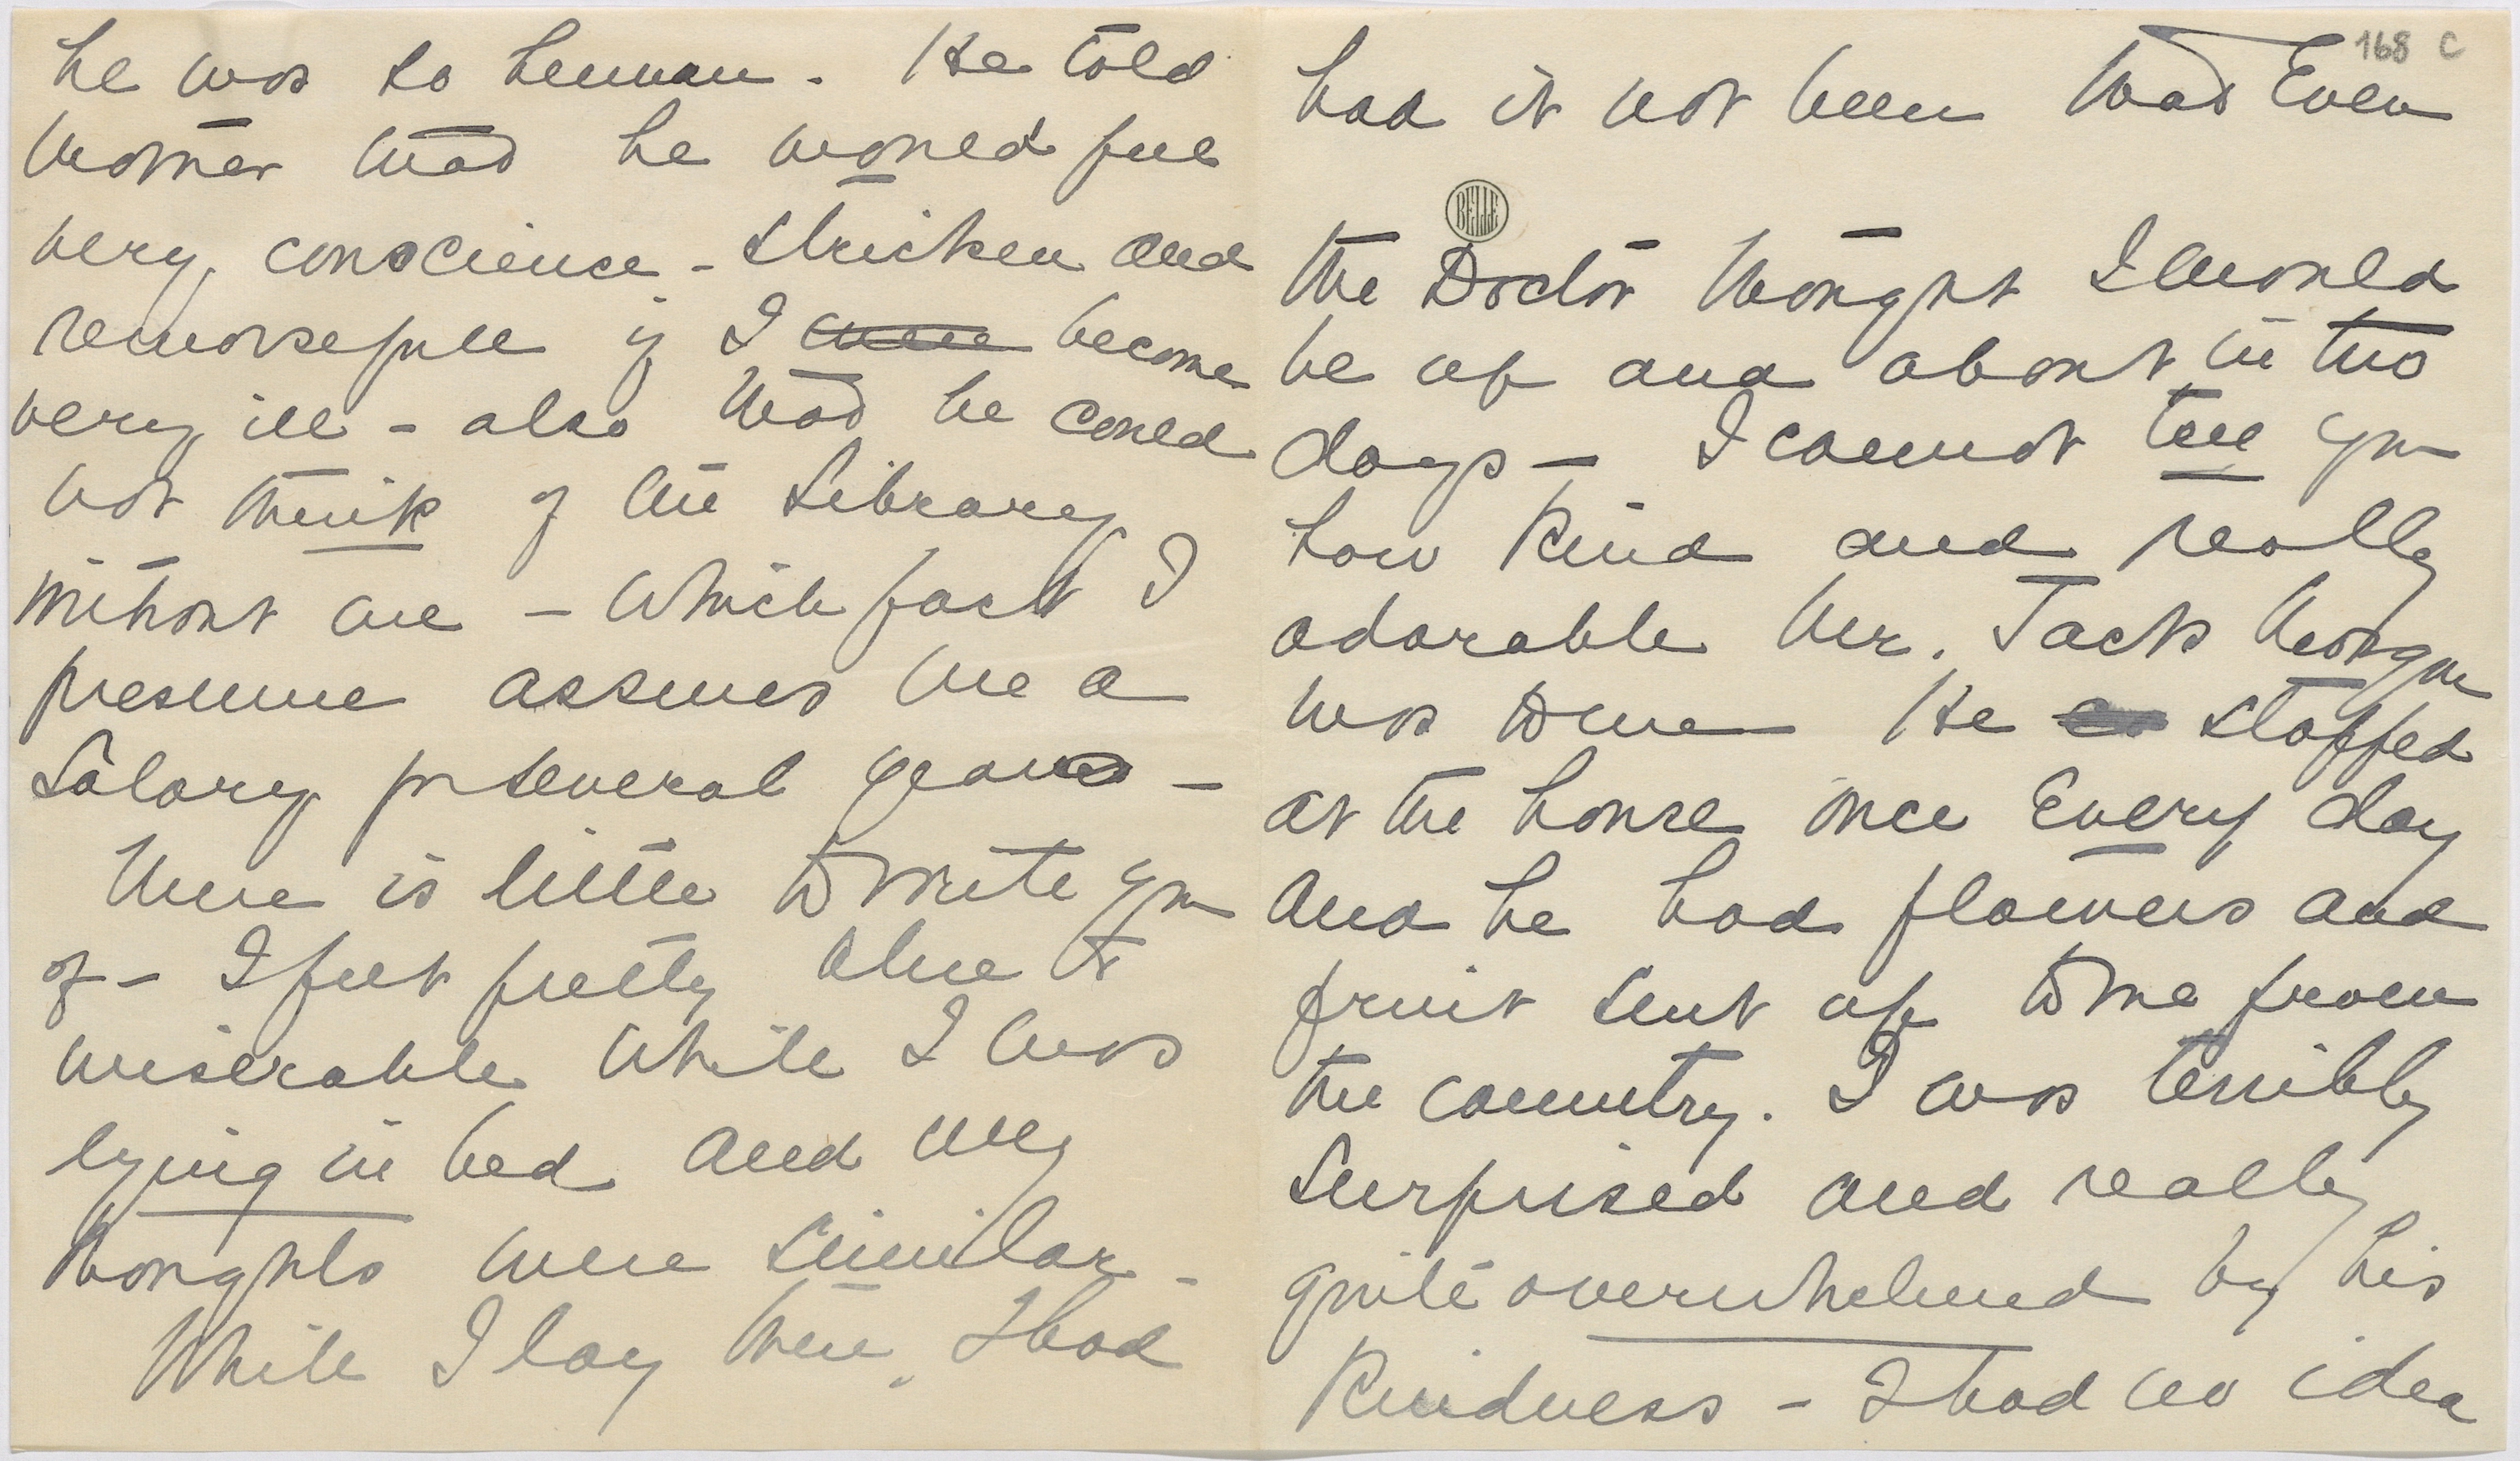had it not been that even the Doctor thought I would be up and about in two days – I cannot tell you how kind and really adorable Mr. Jack Morgan was to me – He ca stopped at the house once every day and he had flowers and fruit sent up to me from the country. I was terribly surprised and really quite overwhelmed by his kindness – I had no idea
he was so human. He told Mother that he would feel very conscience-stricken and remorsefull [sic] if I were became very ill – also that he could not think of the Library without me – which fact I presume assures me a salary for several years –
There is little to write you of – I felt pretty blue & miserable while I was lying in bed and me thoughts were similar –
While I lay there, I had